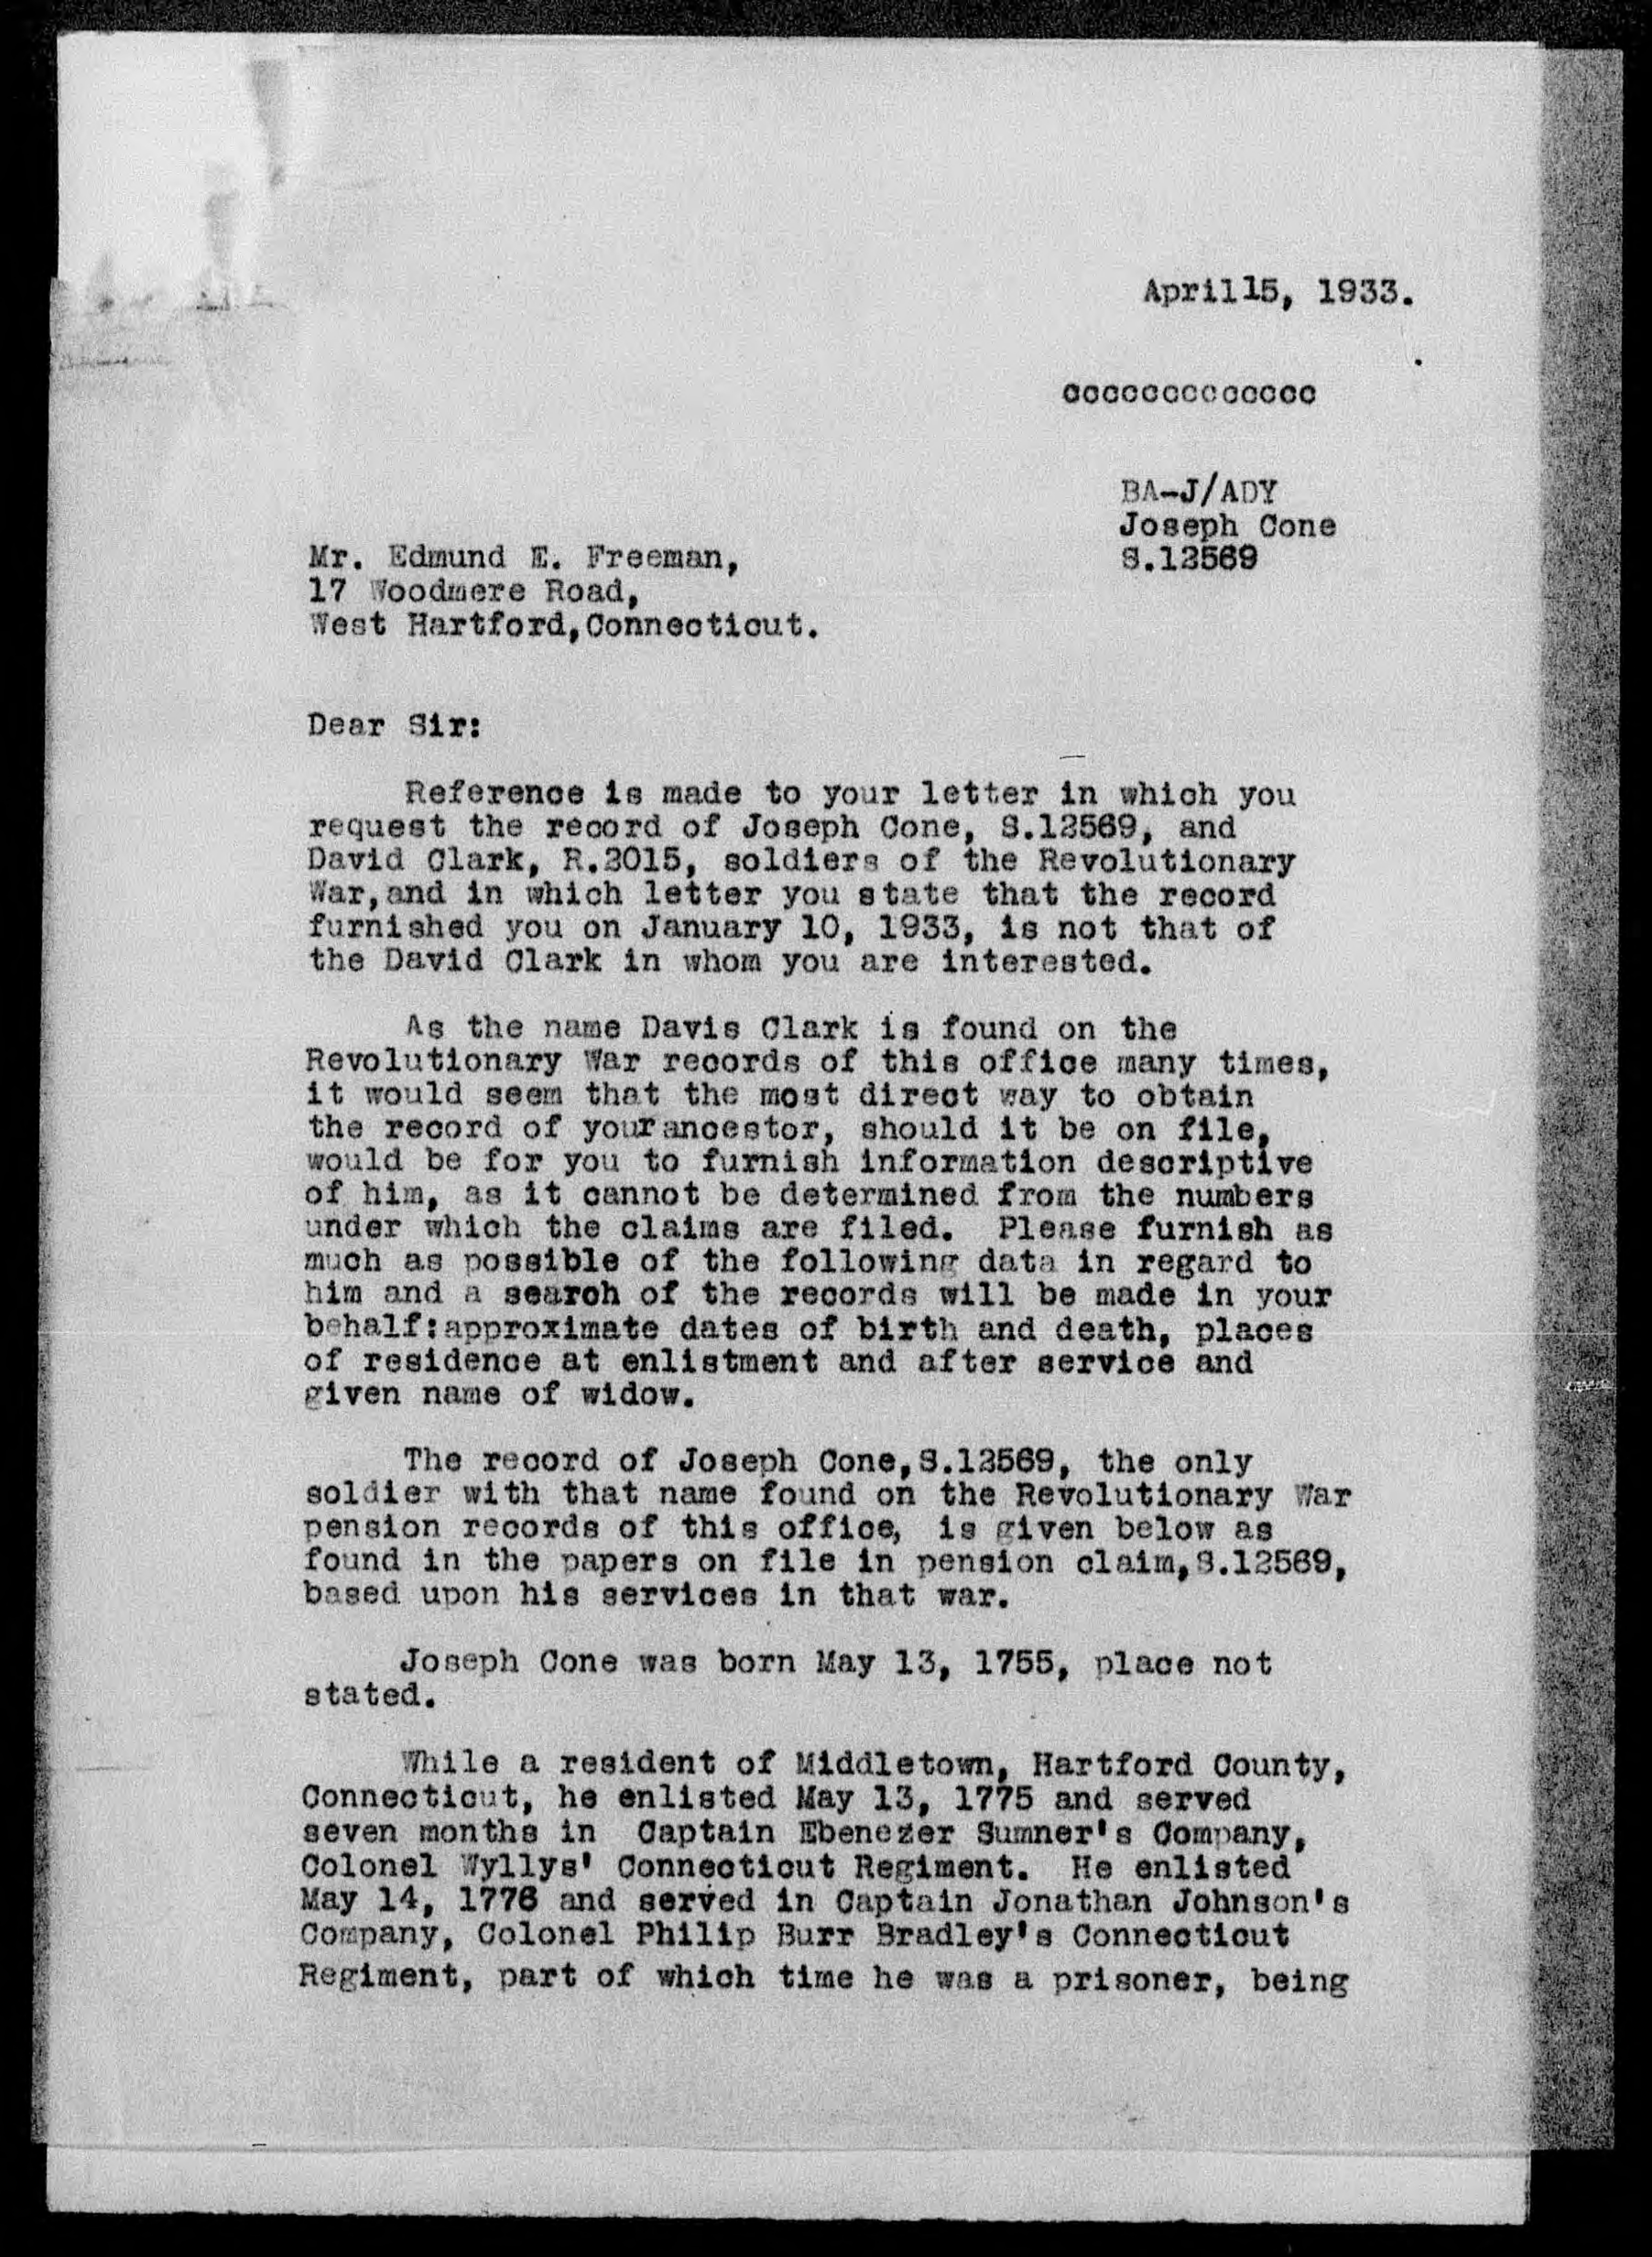April 15, 1933.

cccccccccccccc

BA-J/ADY
Joseph Cone
Mr. Edmund E. Freeman,  S.12569
15 Woodmere Road,
West Hartford, Connecticut.

Dear Sir:
Reference is made to your letter in which you request the record of Joseph Cone, S.12569, and David Clark, R.2015, soldiers of the Revolutionary War, and in which letter you state that the record furnished you on January 10, 1933, is not that of the David Clark in whom you are interested.
As the name Davis Clark is found on the Revolutionary War records of this office many times, it would seem that the most direct way to obtain the record of your ancestor, should it be on file, would be for you to furnish information descriptive of him, as it cannot be determined from the numbers under which the claims are filed. Please furnish as much as possible of the following data in regard to him and a search of the records will be made in your behalf: approximate dates of birth and death, places of residence at enlistment and after service and given name of widow.
The record of Joseph Cone, S.12569, the only soldier with that name found on the Revolutionary War pension records of this office, is given below as found in the papers on file in pension claim, S.12569, based upon his services in that war.
Joseph Cone was born May 13, 1755, place not stated.
While a resident of Middletown, Hartford County, Connecticut, he enlisted May 13, 1775 and served eleven months in Captain Ebenezer Sumner's Company, Colonel Wyllys' Connecticut Regiment. He enlisted May 14, 1776 and served in Captain Jonathan Johnson's Company, Colonel Philip Burr Bradley's Connecticut Regiment, part of which time he was a prisoner, being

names: Davis Clark, Edmund E Freeman, Joseph Cone, Joseph Cone, Joseph Cone, David Clark, Joseph Cone, David Clark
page: 11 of 28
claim: survivor's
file: S. 12569, Joseph Cone, Conn Continental